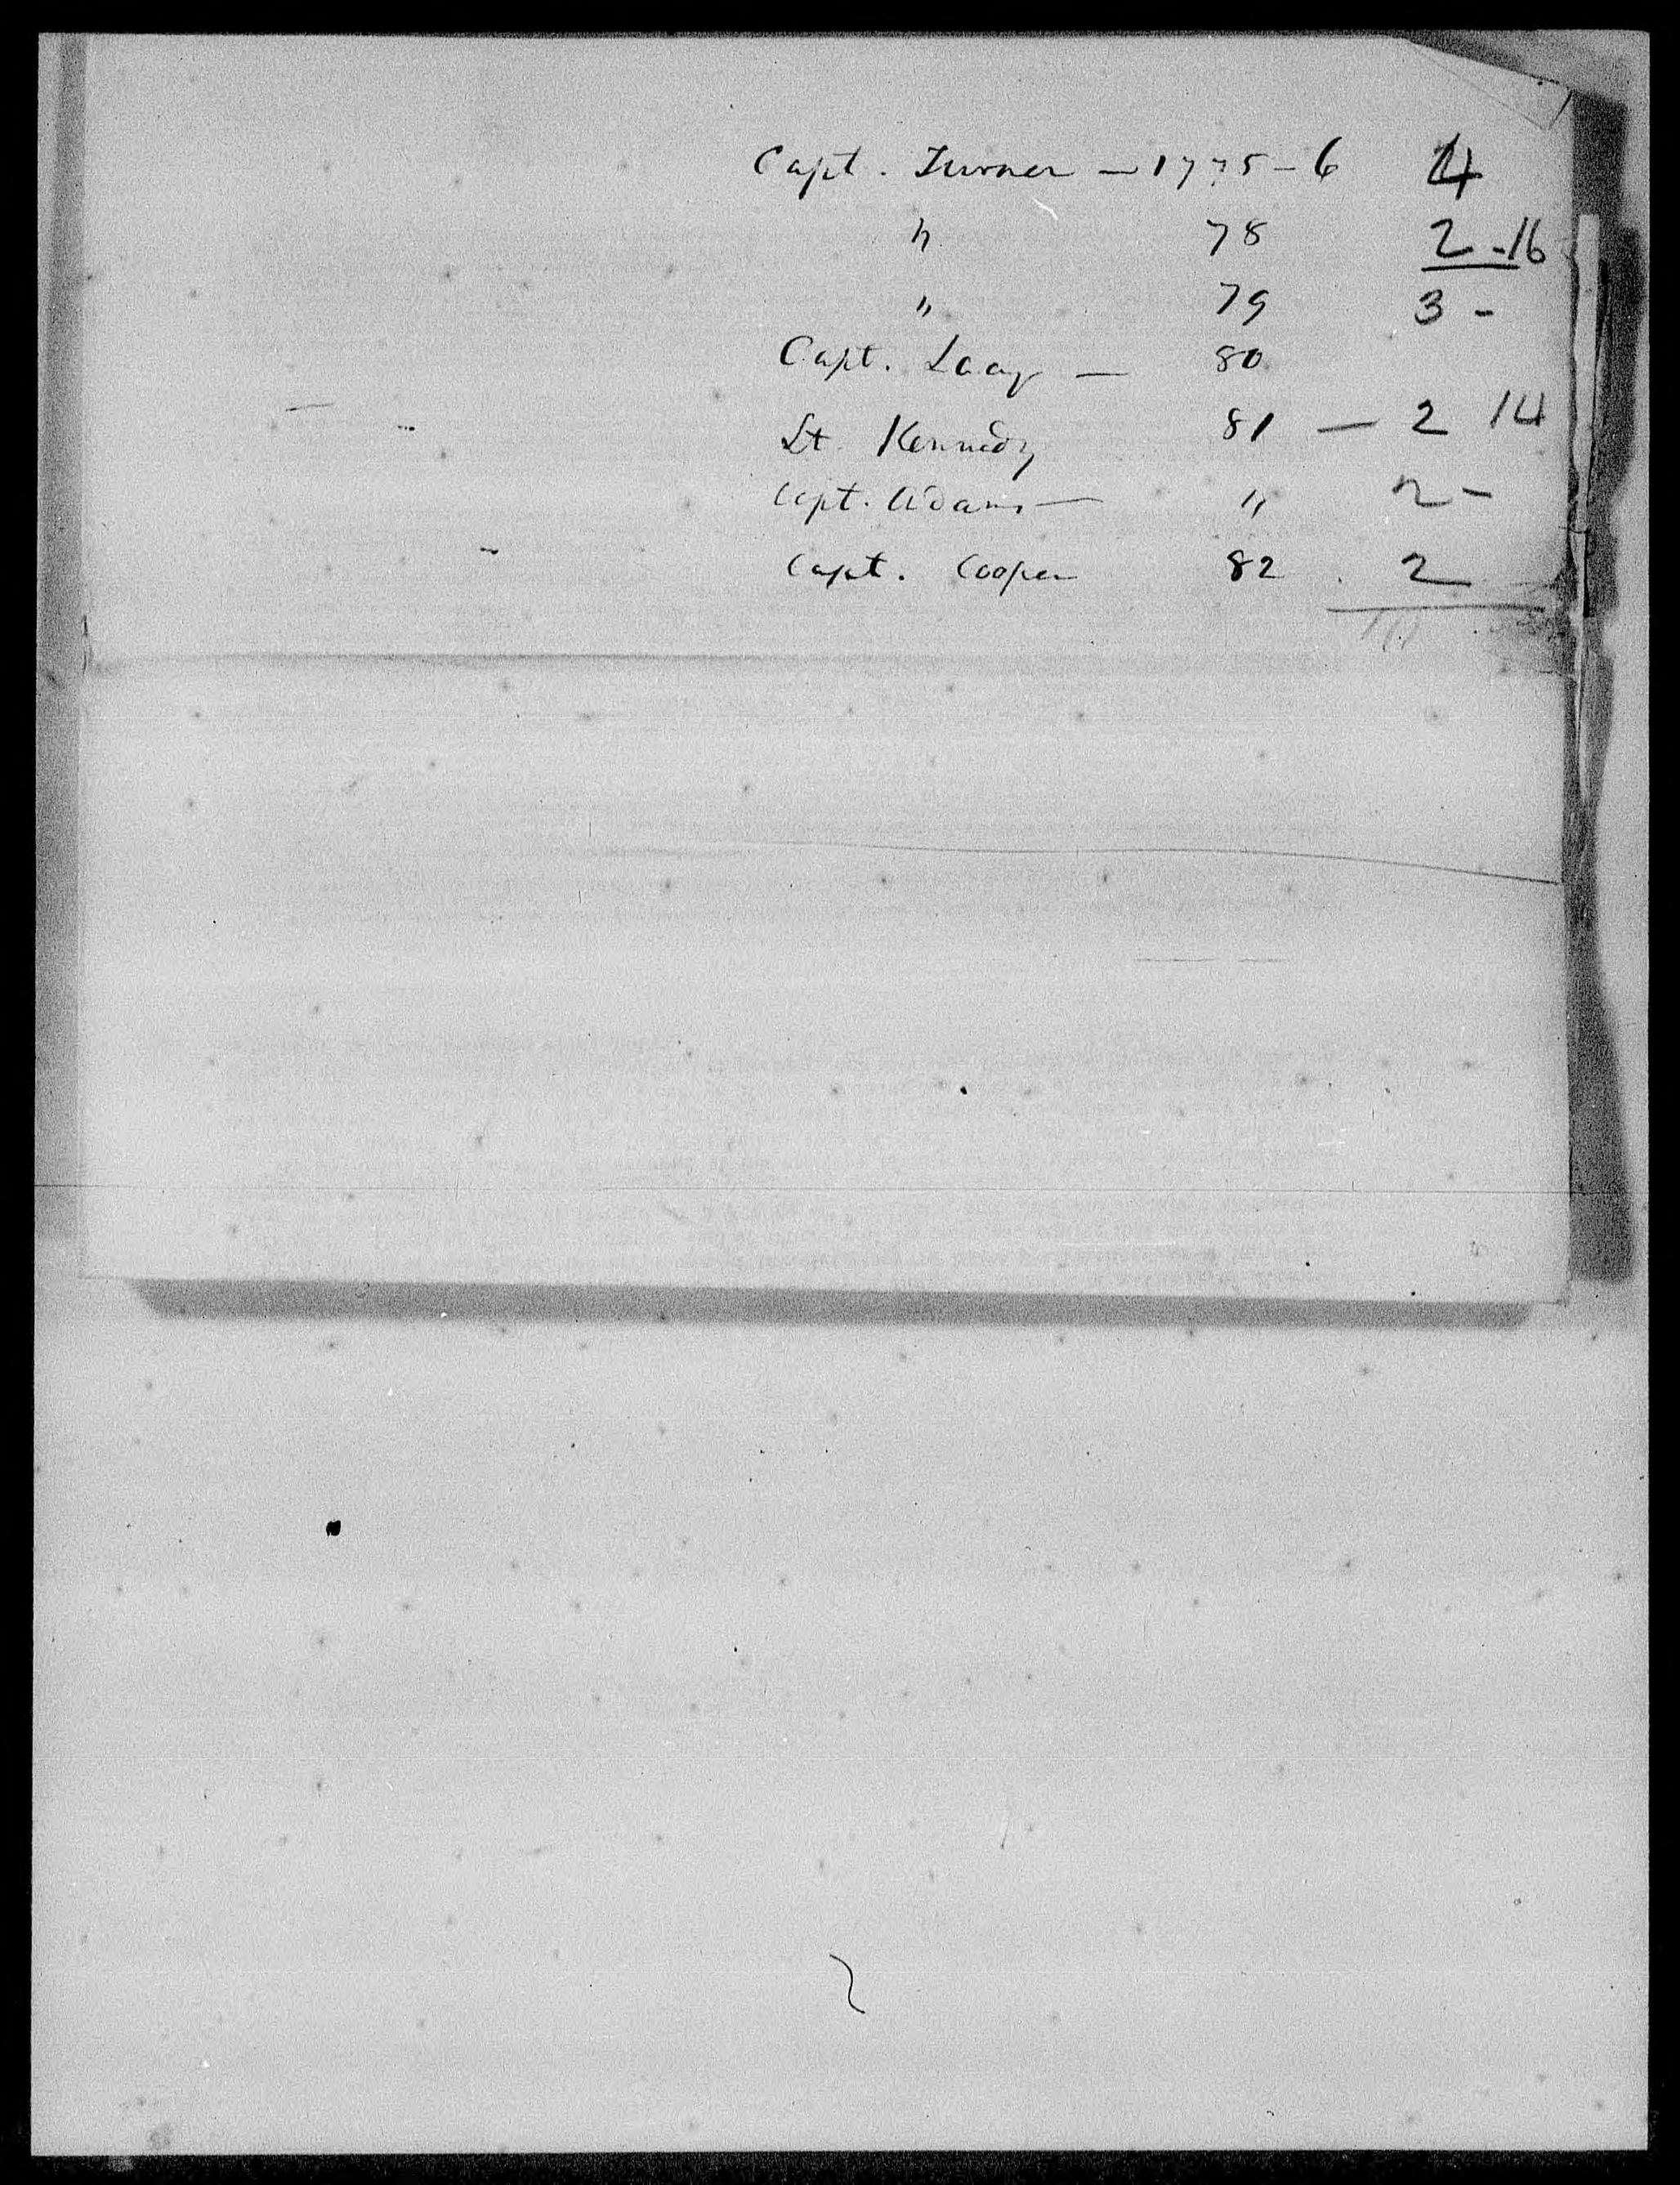Capt. Turner- 1775- 4
" 78 2-16
" 79 3-
Capt. Lacey- 80
Lt. Kennedy- 81- 2 14
Capt. Adams- " 2-
Capt. Cooper- 82 2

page: 17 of 93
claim: widow's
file: W. 21792, for Thomas Mc Clurken, South Carolina